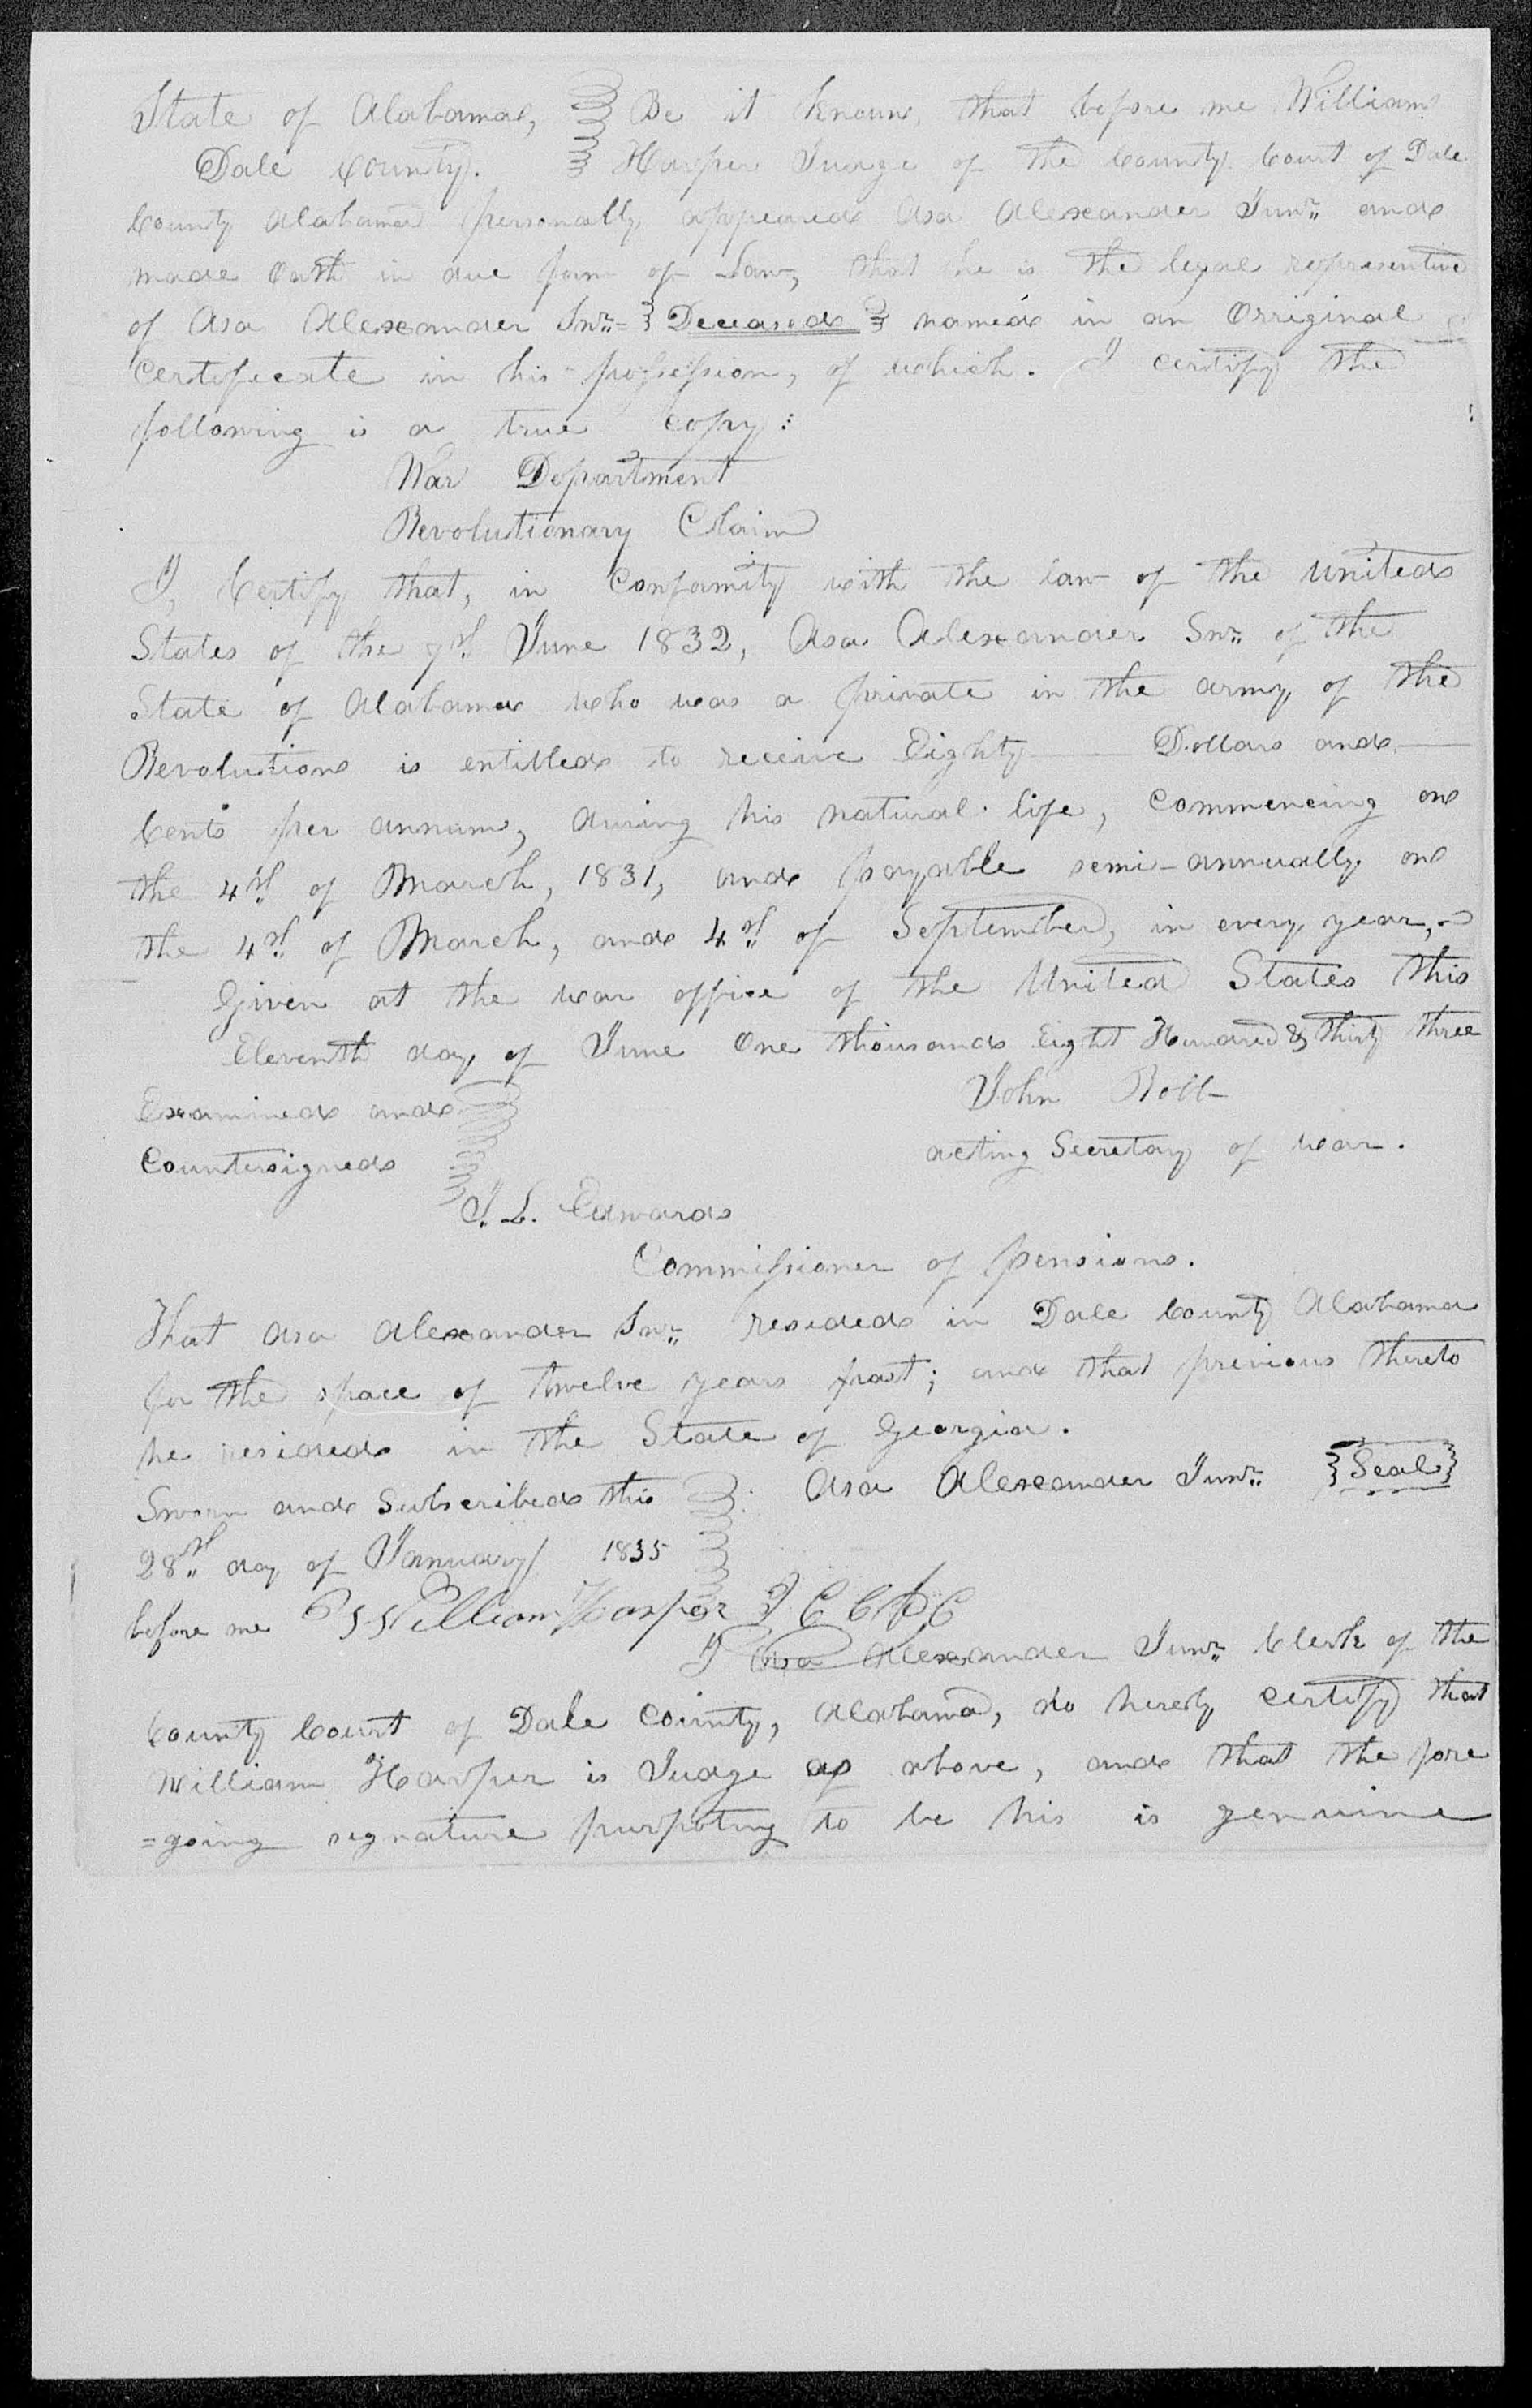State of Alabama
Dale County
Be it known that before me William Harper Judge of the County Court of Dale County Alabama personally appeared Asa Alexander, Junr. swore under oath in due form of Law, that he is the legal representative of Asa Alexander Snr deceased and named in an original certificate in his possession of which I certify the following a a true copy: War Department Revolutionary Claim
I, Certify that, in conformity with the law of the United States of the 0th June 1832, Asa Alexander Snr of the State of Alabama who was a private in the army of the Revolutions is entitled to receive Eighty -- Dollars and -- cents per annum, during his natural life, commencing on on the 4th of March 1831, and payable semi-annually on the 4th of March, and 4th of September in every year, and given at the War Office of the United States this Eleventh day of June One Thousand Eight Hundred and Thirty Three.  [Signature] John Robb Acting Secretary of War.

Examined and Countersigned J.L. Edwards Commissioner of Pensions.

That Asa Alexander Snr resided in Dale County Alabama for the space of twelve years past; and that previous thereto he resided in the State of Georgia. [Signature] Asa Alexander Junr. Seal. Sworn and subscribed this 18th day of January 1835. Before me [signature] William Harper JCCDC

I, Asa Alexander Junr, Clerk of the County Court of Dale County, Alabama, do hereby certify that William Harper is Judge as above, and that the foregoing signature purporting to be his is genuine.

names: Asa Alexander, John Robb, Asa Alexander, William, Asa Alexander, Asa Alexander, J L Edwards, Asa Alexander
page: 19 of 35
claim: survivor's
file: S. 32092, Asa Alexander, Ga.